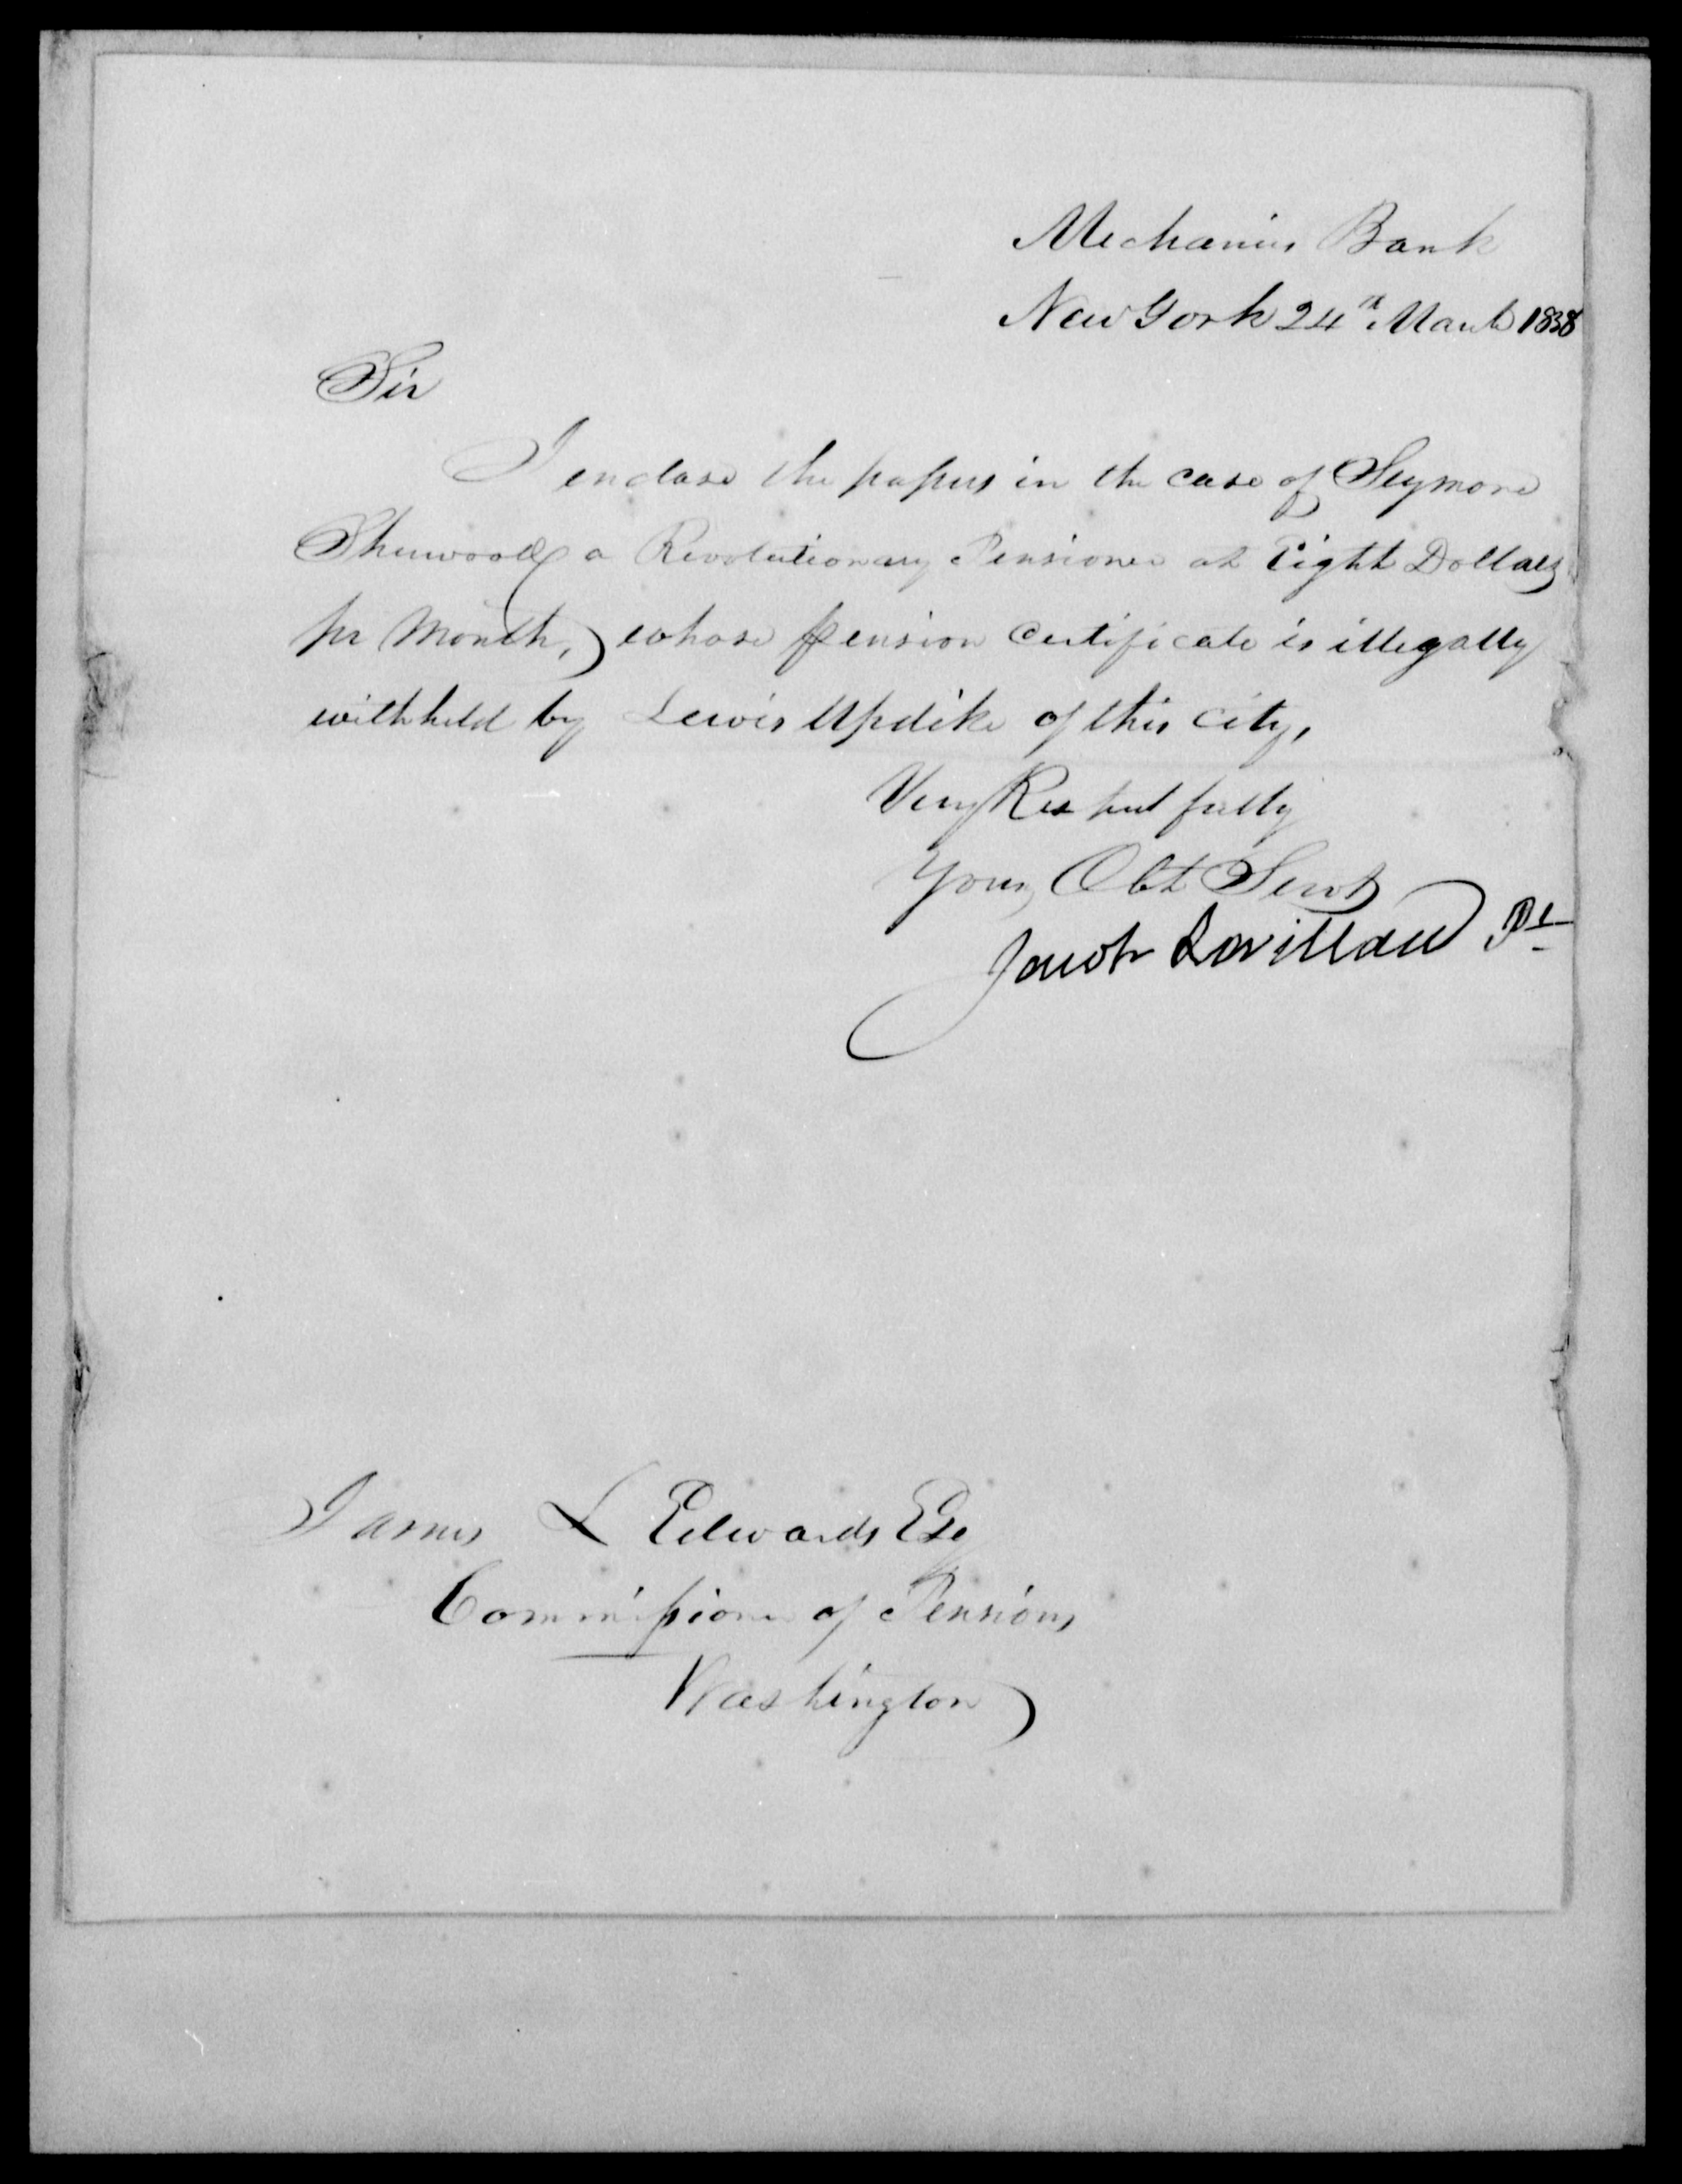Mechanic's Bank
New York 24th March 1838

Sir

I enclose the papers in the case of Seymore Sherwood a Revolutionary Pensioner at Eight Dollars per month, whose pension certificate is illegally withheld by Lewis Updike of this city.

Very Respectfully,

Your obedient Servant,

Jacob L. Willard



James L. Edwards Esq.
Commissioner of Pensions
Washington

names: Seymore Sherwood; James L Edwards; Lewis Updike; Jacob L Willard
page: 16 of 30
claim: survivor's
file: S. 42289, for Seymore Sherwood, Connecticut